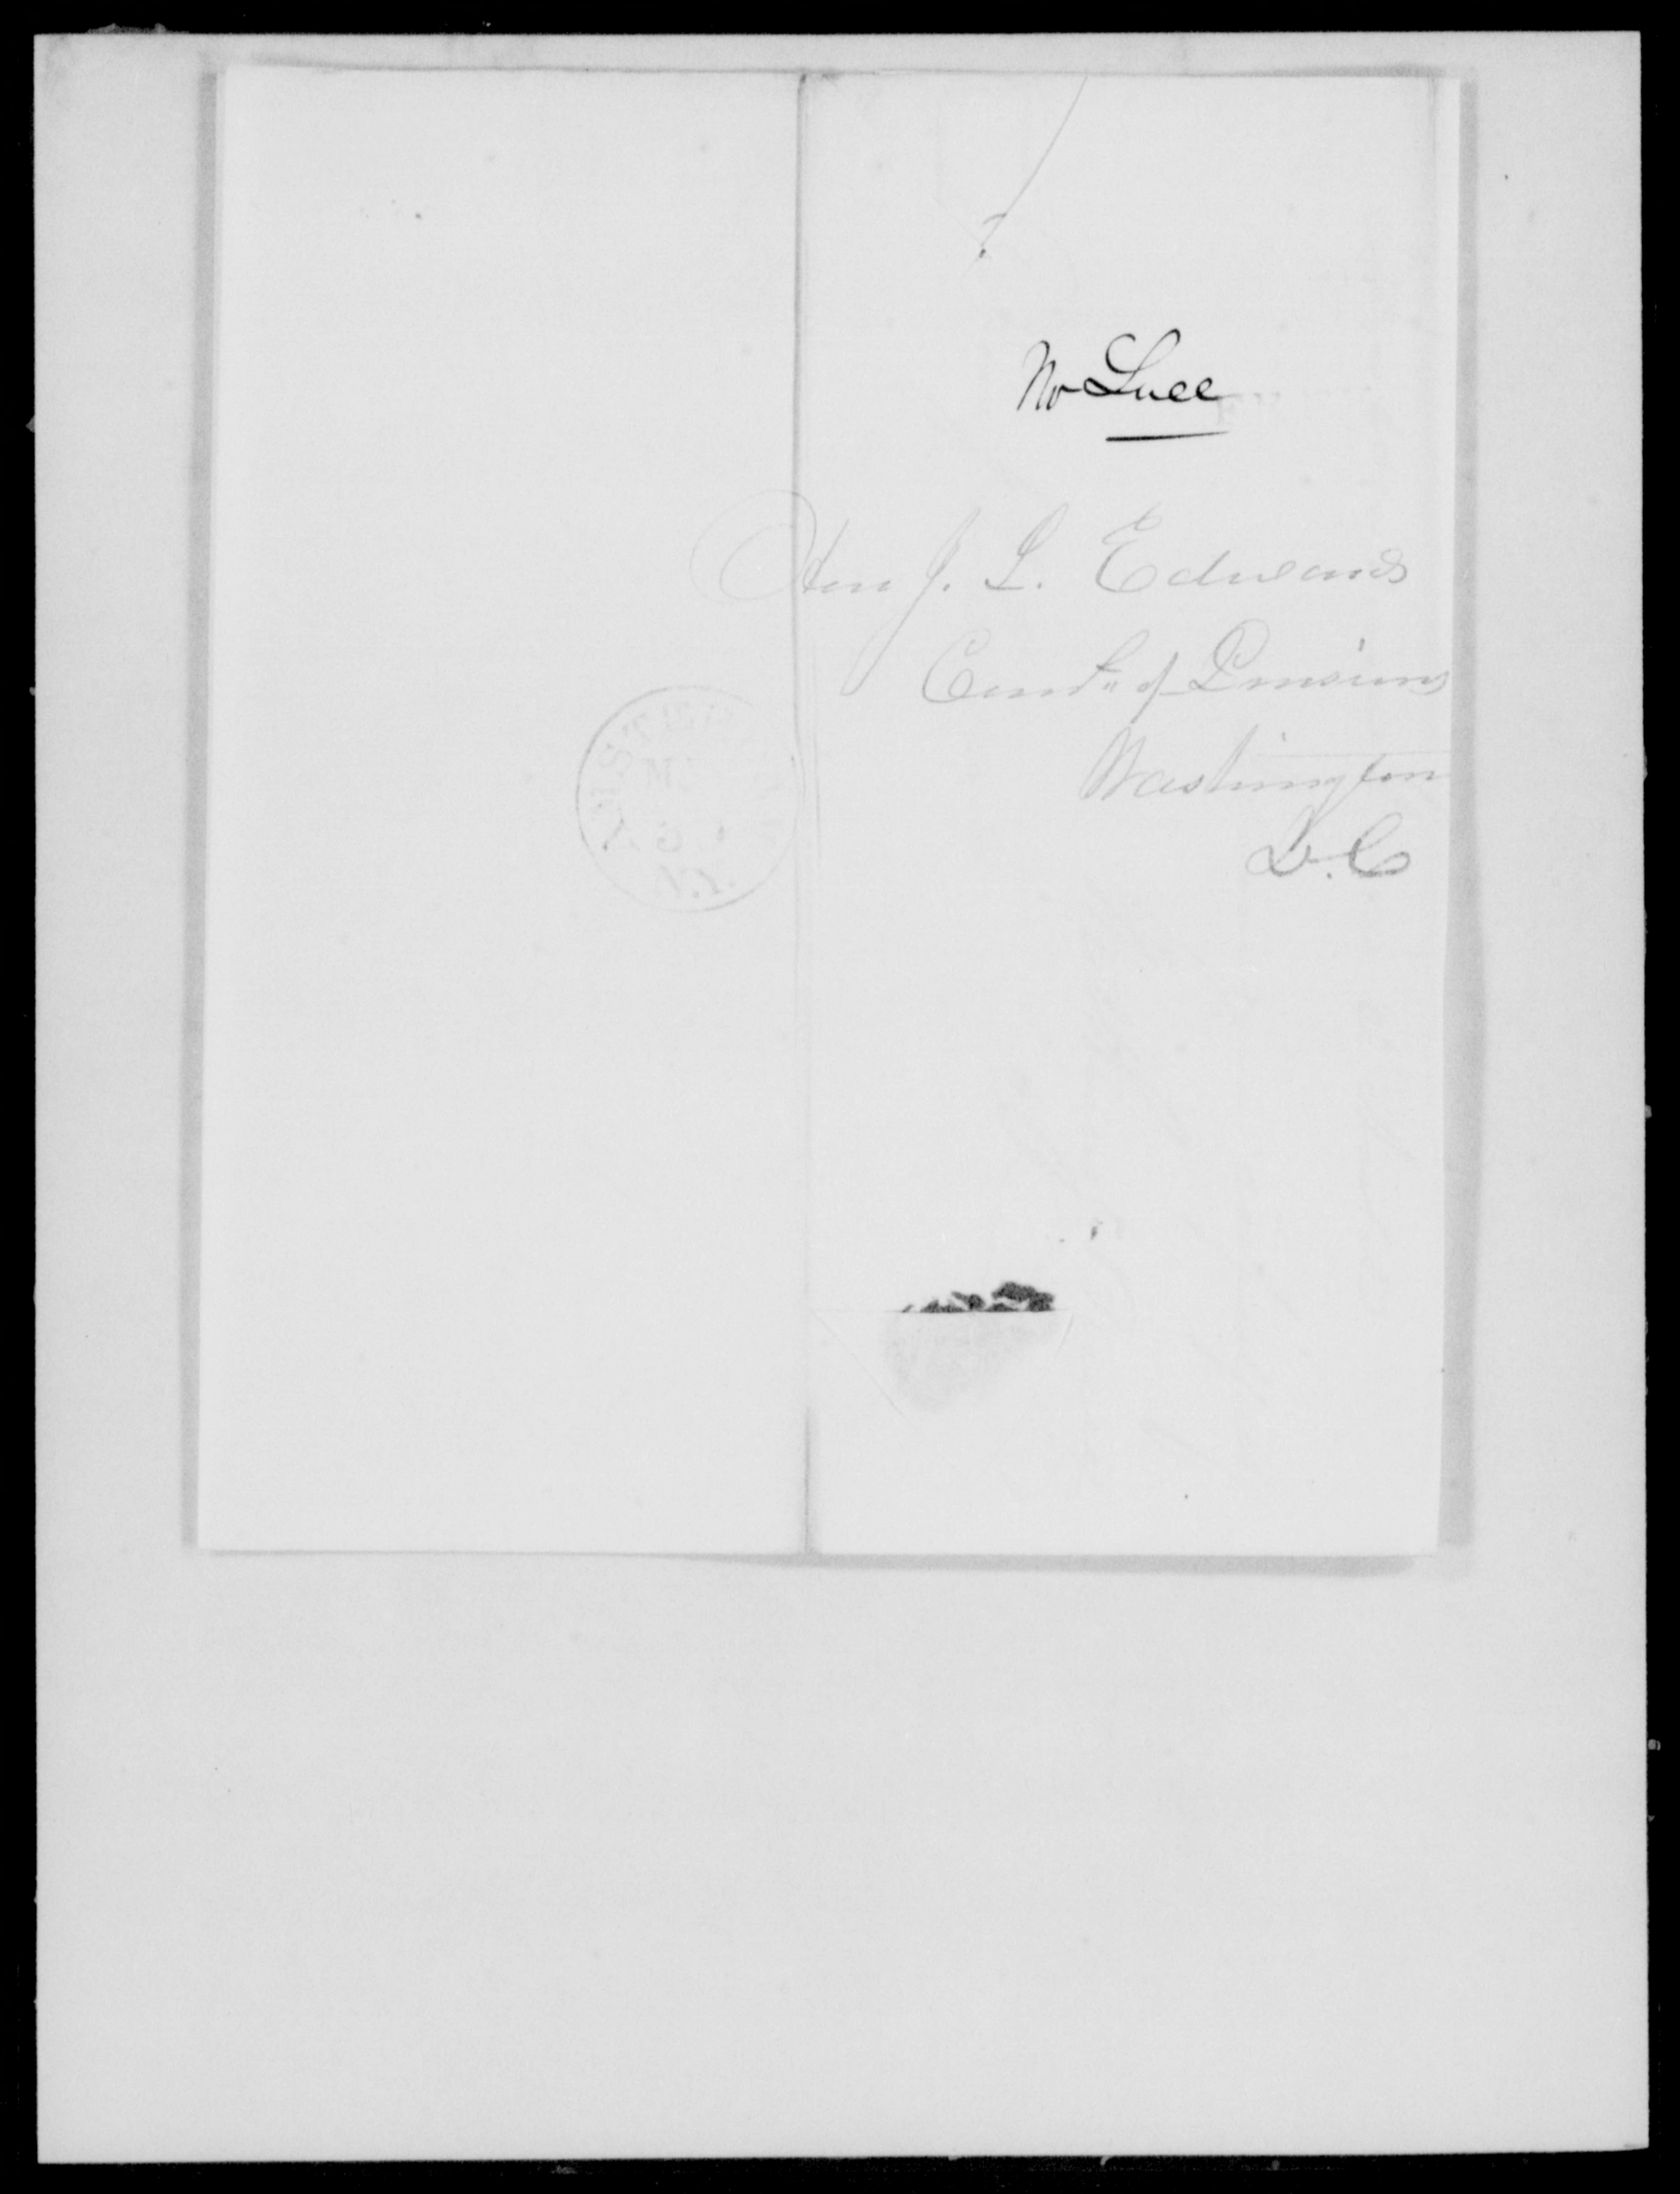No Snee [?]

Hon J. L. Edwards 
Commr. of Pensions 
Washington D.C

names: Luee, J L Edwards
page: 35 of 57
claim: survivor's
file: S. 28,925, Albert Van Housen, New York